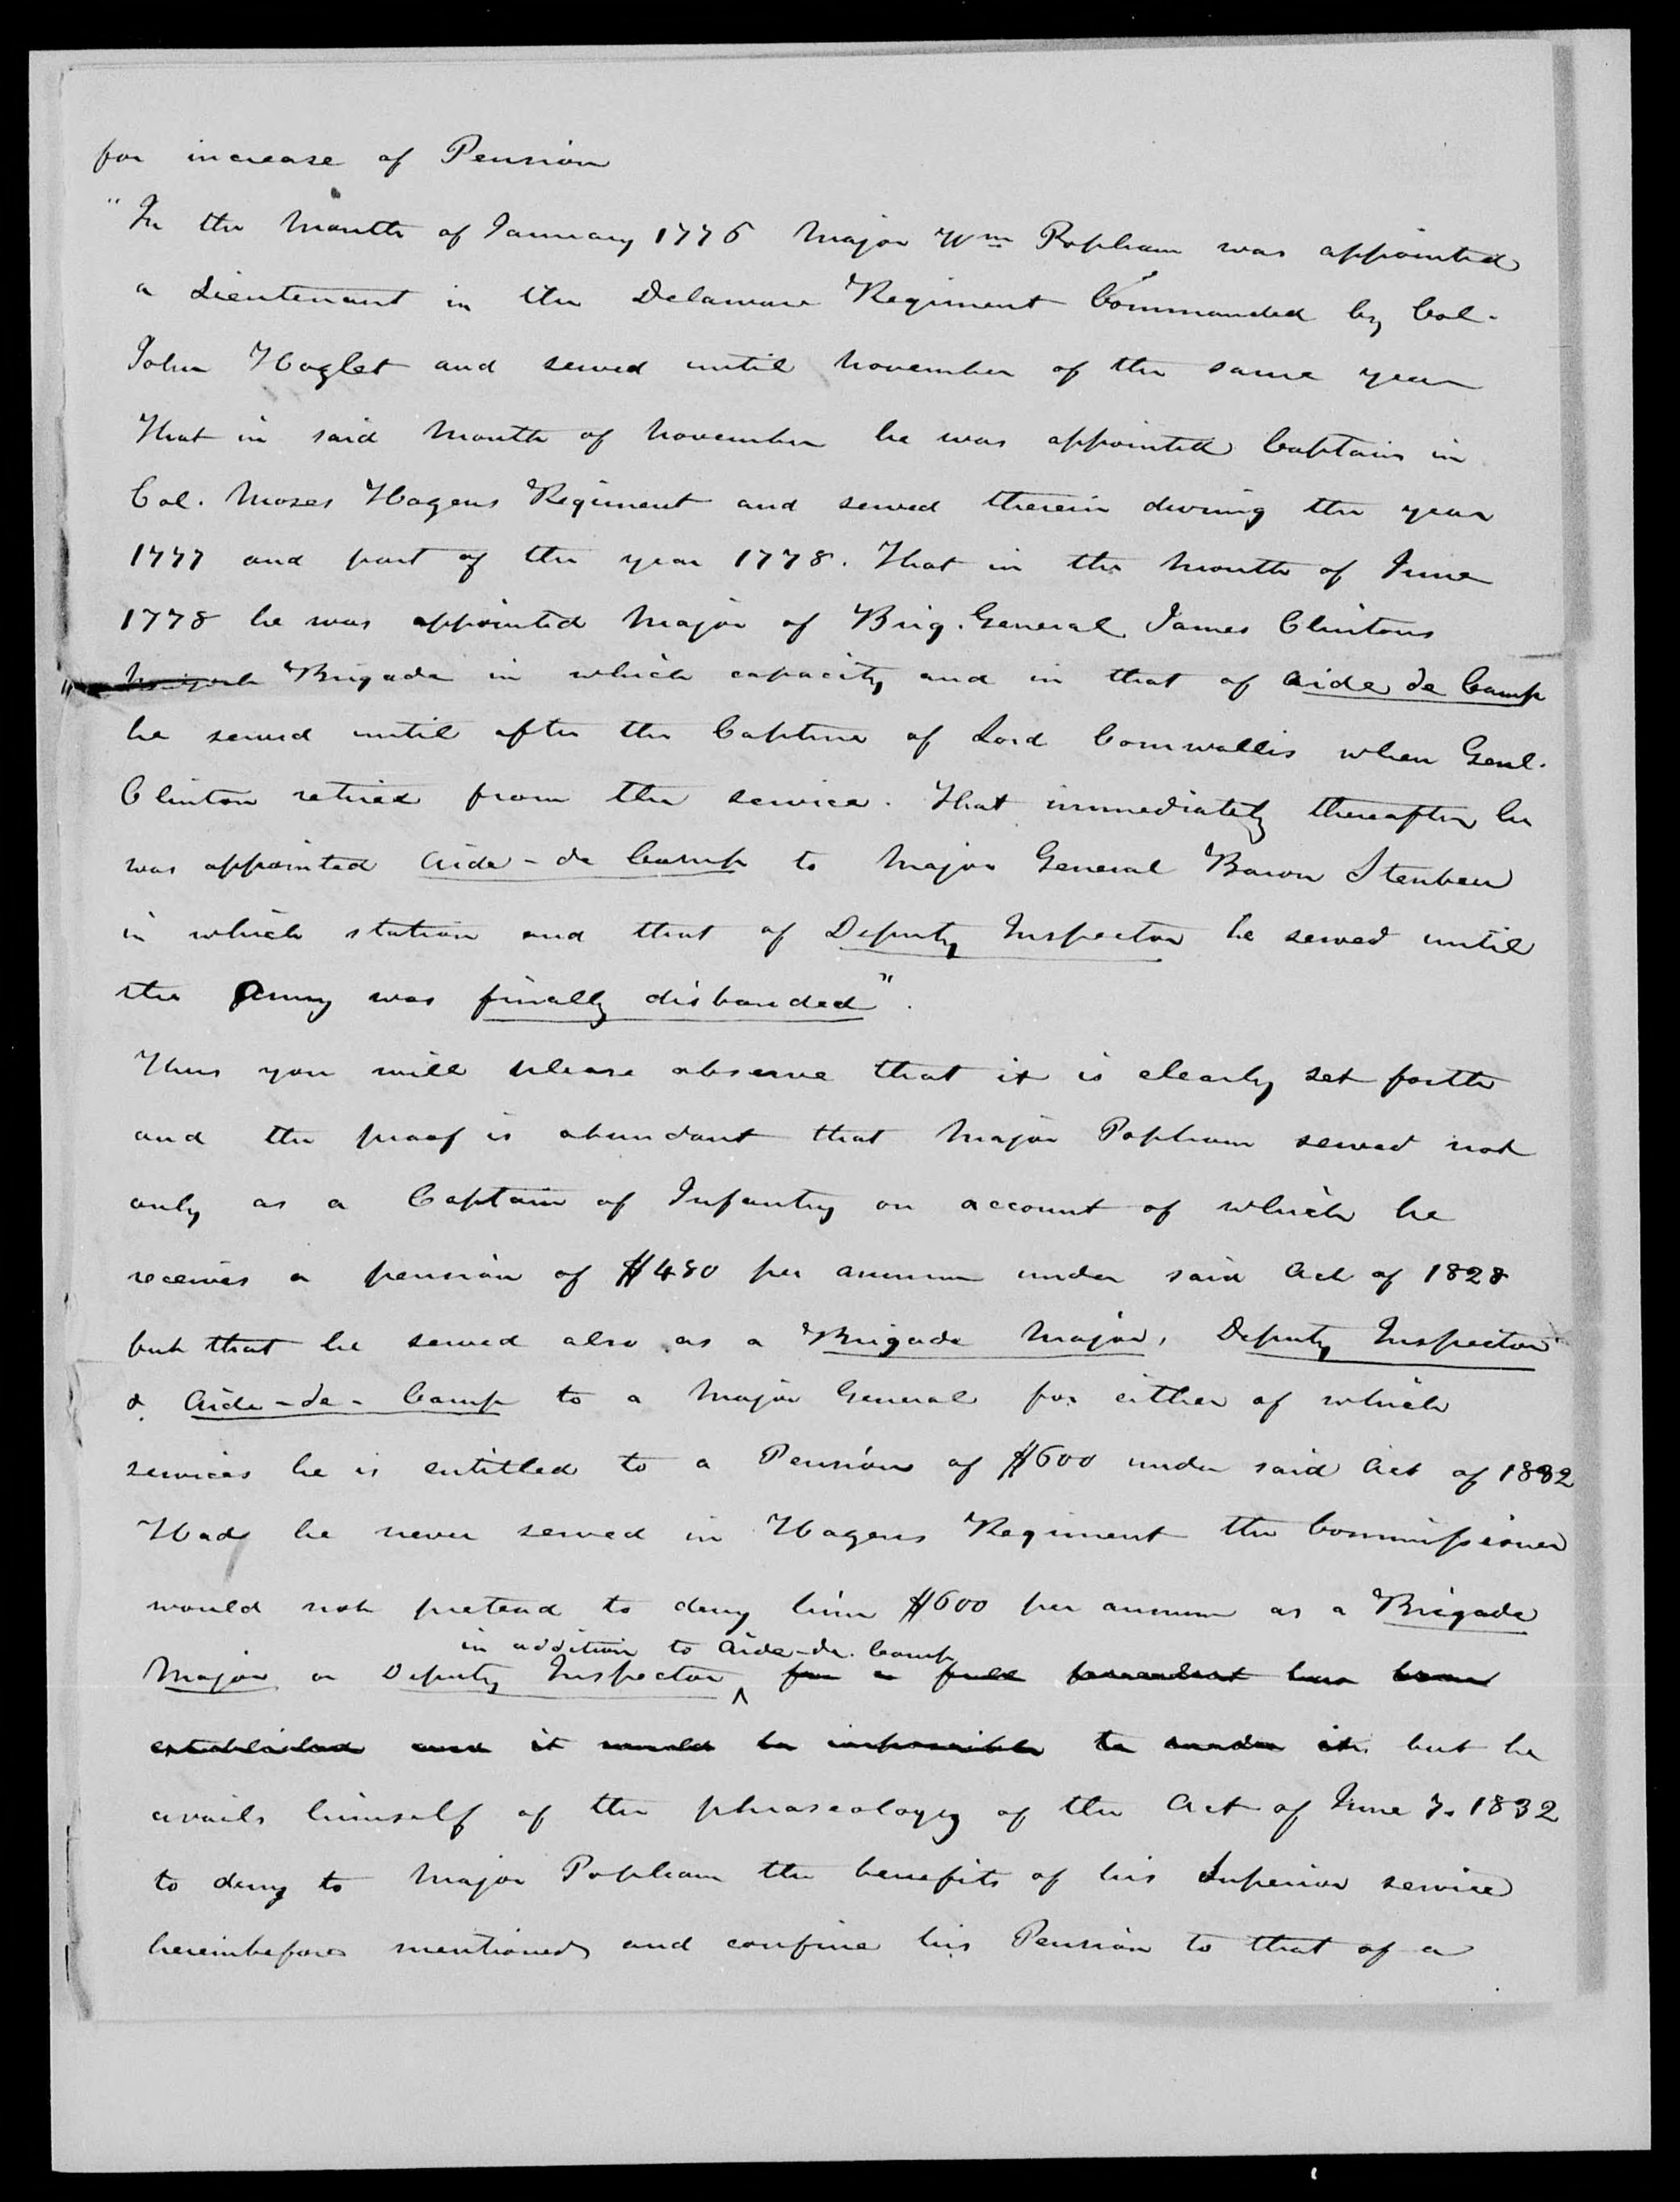for increase of Pension
"In the month of January 1776 Major Wm Popham was appointed a
Lieutenant in the Delaware Regiment commanded by Col
John Haslet and served until November of the same year
That in said month of November he was appointed Captain in
Col. Moses Hagens Regiment and served therein during the year
1777 and part of the year 1778. That in the month of June
1778 he was appointed Major of Brig. General James Clintons New York 
Brigade in which capacity and in that of Aid de Camp
he served until after the Capture of Lord Cornwallis when Genl
Clinton retired from the service. That immediately thereafter he
was appointed aide de Camp to Major General Baron Steuben
in which station and that of Deputy Inspection he served until
the army was finally disbanded".
Thus you will [illegible] observe that it is clearly set forth
and the proof is abundant that Major Popham served not
only
as a captain of Infantry on account of which he
receives a pension of $480 per annum under said act of 1828
but that he served also as a Brigade Major, Deputy Inspector
Aide-de-Camp to a Major General for either of which services
he is entitled to a Pension of $600 under said act of 1882
Had he never served in Hagers Regiment the Commissioner
would not pretend to deny him $600 per annum as a Brigade Major or Deputy Inspector ^in addition to Aide-de-Camp [illegible sentence crossed out] but he avails himself of the phraseology of the Act of June 7. 1832 to deny to Major Popham the benefits of his Impressive service hereinfore mentioned and confine his Pension to that of a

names: [BLANK] Cornwallis; Baron Steuben; Wm Popham; John Hazlet; [BLANK] Clinton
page: 43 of 75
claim: survivor's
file: S. 9989, for William Popham, Delaware